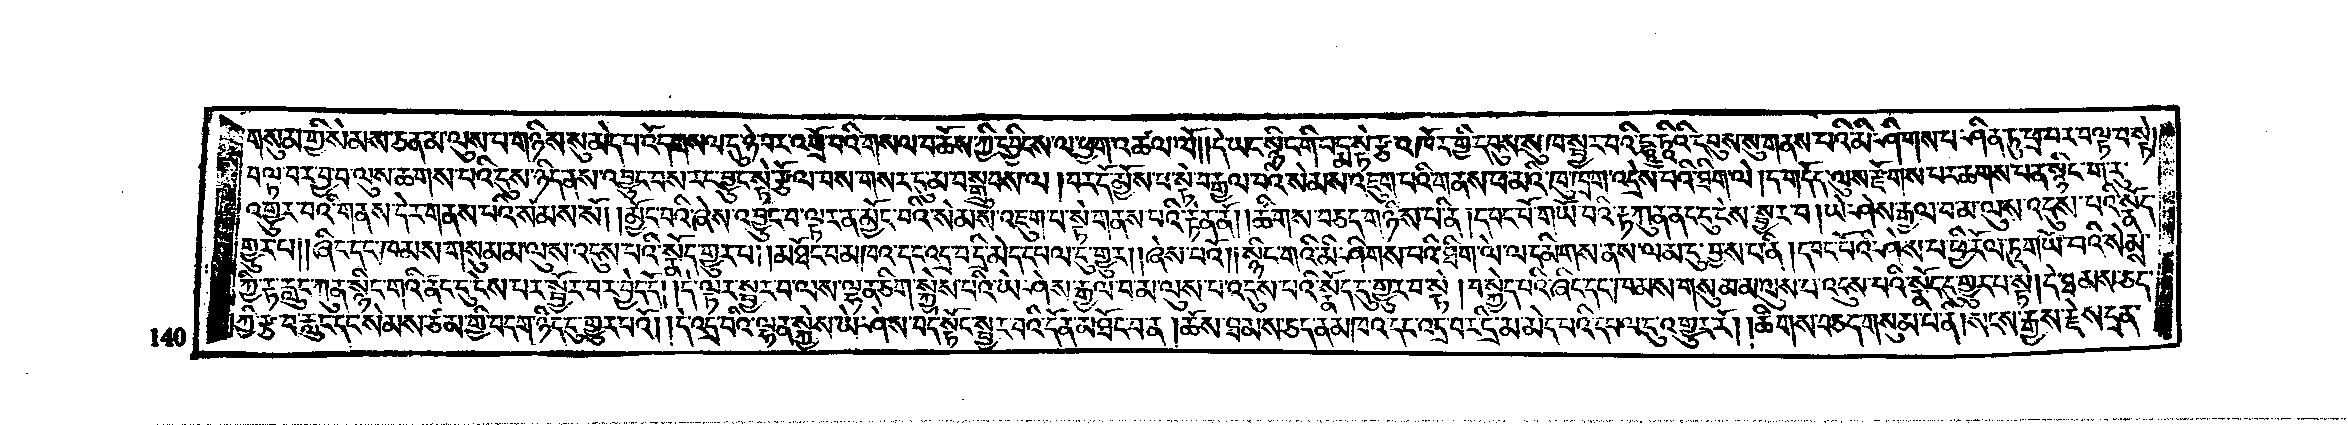གསུམ་གྱི་སེམས་ཅན་མ་ལུས་པ་གཉིས་སུ་མེད་པ་འོད་གསལ་དུ་ཉེ་བར་འགྲོ་བའི་གསལ་བ་ཆོས་ཀྱི་དབྱིངས་ལ་ཕྱག་འཚལ་ལོ། །དེ་ཡང་སྙིང་གི་པདམ་སྟེ་རྩ་འཁོར་གྱི་དབུས་སུ་ཁ་སྦྱར་བའི་དྷཱུ་ཏཱིའི་དབུས་སུ་གནས་པའི་མི་ཤིགས་པ་ཤིན་ཏུ་ཕྲ་བར་བལྟ་བ་སྟེ།
བལྟ་བར་བྱ་བ་ལུས་ཆགས་པའི་དུས་ཉིད་ནས་འབྱུང་བས་རང་བྱུང་སྟེ་རྩོལ་བས་གསར་དུ་མ་བསྒྲུབས་ལ། བར་དོ་མྱོས་པ་སྟེ་བརྒྱལ་བའི་སེམས་འཇུག་པའི་གནས་ཕ་མའི་ཁུ་ཁྲག་འདྲེས་པའི་ཐིག་ལེ། ད་གདོད་ལུས་རྫོགས་པར་ཆགས་པ་ན་སྙིང་ག་རུ་
འགྱུར་བའི་གནས་དེར་གནས་པའི་སེམས་སོ། །མྱོང་བའི་ཞེས་འབྱུང་བ་ལྟར་ན་མྱོང་བའི་སེམས་འཇུག་པ་སྟེ་གནས་པའི་རྟེན་ནོ། །ཚིགས་བཅད་གཉིས་པ་ནི། དབང་པོ་གཡོ་བའི་རྟ་ཀུན་ནང་དུ་ངེས་སྦྱར་བ། ཡེ་ཤེས་རྒྱལ་བ་མ་ལུས་འདུས་པའི་སྣོད་
གྱུར་པ། །ཞིང་དང་ཁམས་གསུམ་མ་ལུས་འདུས་པའི་སྣོད་གྱུར་པ། །མཐོང་བ་མཁའ་དང་འདྲ་བ་དྲི་མེད་དཔལ་དུ་གྱུར། །ཞེས་པའོ། །སྙིང་གའི་མི་ཤིགས་པའི་ཐིག་ལེ་ལ་དམིགས་ནས་ལམ་དུ་བྱས་པ་ནི། དབང་པོའི་ཤེས་པ་ཕྱི་རོལ་ཏུ་གཡོ་བའི་སེམས་
ཀྱེ་རྟ་རླུང་ཀུན་སྙིང་གའི་ནང་དུ་ངེས་པར་སྦྱོར་བར་བྱེད་དོ། །དེ་ལྟར་སྦྱར་བ་ལས་ལྷན་ཅིག་སྐྱེས་པའི་ཡེ་ཤེས་རྒྱལ་བ་མ་ལུས་པ་འདུས་པའི་སྣོད་དུ་གྱུར་པ་སྟེ། བསྐྱེད་པའི་ཞིང་དང་ཁམས་གསུམ་མ་ལུས་པ་འདུས་པའི་སྣོད་དུ་གྱུར་པ་སྟེ། ད་ཐམས་ཅད་
ཀྱི་རྩ་བ་རླུང་དང་སེམས་ཙམ་གྱི་བདག་ཉིད་དུ་གྱུར་པའོ། །དེ་འདྲ་བའི་ལྷན་སྐྱེས་ཡེ་ཤེས་བདེ་སྟོང་སྦྱར་བའི་དོན་མཐོང་བ་ན། ཆོས་ཐམས་ཅད་ནམ་མཁའ་དང་འདྲ་བར་དྲི་མ་མེད་པའི་དཔལ་དུ་འགྱུར་རོ། །ཚིགས་བཅད་གསུམ་པ་ནི། སངས་རྒྱས་རྗེས་དྲན་